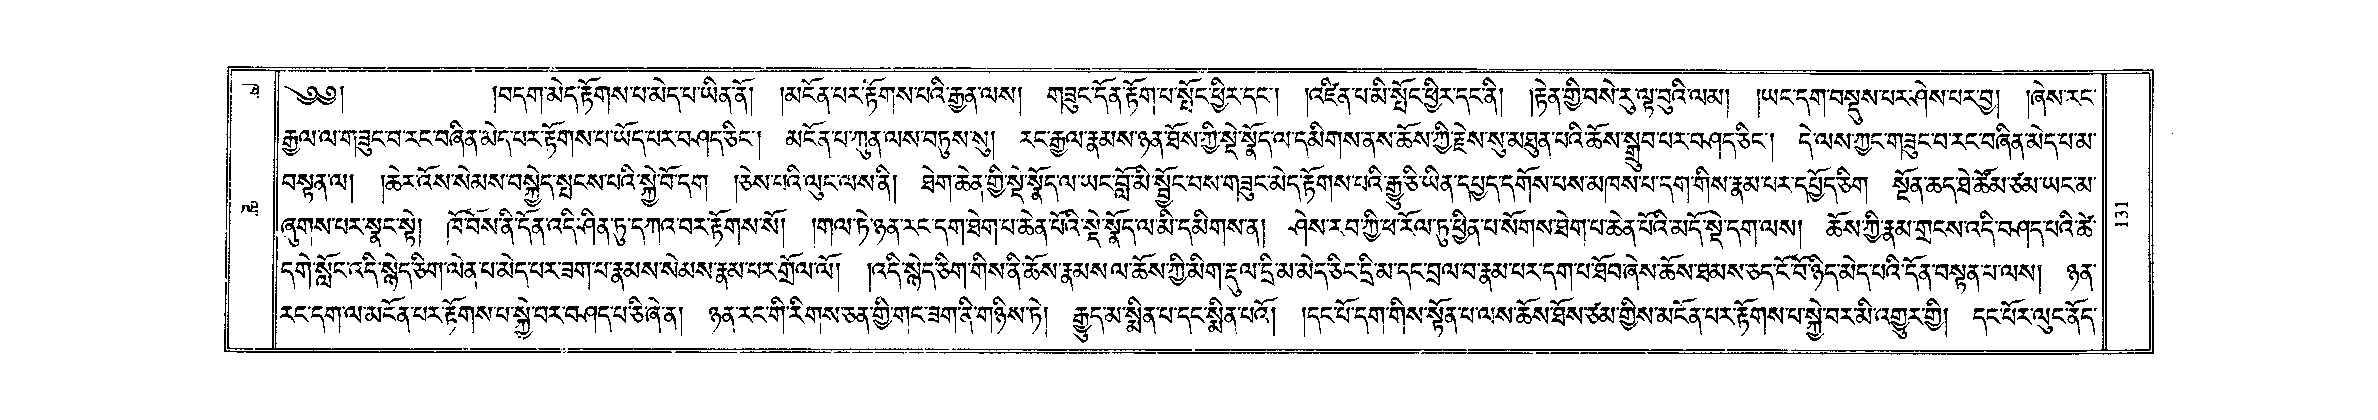༄༅། །བདག་མེད་རྟོགས་པ་མེད་པ་ཡིན་ནོ། །མངོན་པར་རྟོགས་པའི་རྒྱན་ལས། གཟུང་དོན་རྟོག་པ་སྤོང་ཕྱིར་དང་། །འཛིན་པ་མི་སྤོང་ཕྱིར་དང་ནི། །རྟེན་གྱི་བསེ་རུ་ལྟ་བུའི་ལམ། །ཡང་དག་བསྡུས་པར་ཤེས་པར་བྱ། །ཞེས་རང་
རྒྱལ་ལ་གཟུང་བ་རང་བཞིན་མེད་པར་རྟོགས་པ་ཡོད་པར་བཤད་ཅིང་། མངོན་པ་ཀུན་ལས་བཏུས་སུ། རང་རྒྱལ་རྣམས་ཉན་ཐོས་ཀྱི་སྡེ་སྣོད་ལ་དམིགས་ནས་ཆོས་ཀྱི་རྗེས་སུ་མཐུན་པའི་ཆོས་སྒྲུབ་པར་བཤད་ཅིང་། དེ་ལས་ཀྱང་གཟུང་བ་རང་བཞིན་མེད་པ་མ་
བསྟན་ལ། །ཆེར་འོས་སེམས་བསྐྱེད་སྤངས་པའི་སྐྱེ་བོ་དག །ཅེས་པའི་ལུང་ལས་ནི། ཐེག་ཆེན་གྱི་སྡེ་སྣོད་ལ་ཡང་བློ་མི་སྦྱོང་བས་གཟུང་མེད་རྟོགས་པའི་རྒྱུ་ཅི་ཡིན་དཔྱད་དགོས་པས་མཁས་པ་དག་གིས་རྣམ་པར་དཔྱོད་ཅིག་སྔོན་ཆད་ཐེ་ཚོམ་ཙམ་ཡང་མ་
ཞུགས་པར་སྣང་སྟེ། ཁོ་བོས་ནི་དོན་འདི་ཤིན་ཏུ་དཀའ་བར་རྟོགས་སོ། །གལ་ཏེ་ཉན་རང་དག་ཐེག་པ་ཆེན་པོའི་སྡེ་སྣོད་ལ་མི་དམིགས་ན། ཤེས་རབ་ཀྱི་ཕ་རོལ་ཏུ་ཕྱིན་པ་སོགས་ཐེག་པ་ཆེན་པོའི་མདོ་སྡེ་དག་ལས། ཆོས་ཀྱི་རྣམ་གྲངས་འདི་བཤད་པའི་ཚེ་
དགེ་སློང་འདི་སྙེད་ཅིག་ལེན་པ་མེད་པར་ཟག་པ་རྣམས་སེམས་རྣམ་པར་གྲོལ་ལོ། །འདི་སྙེད་ཅིག་གིས་ནི་ཆོས་རྣམས་ལ་ཆོས་ཀྱི་མིག་རྡུལ་དྲི་མ་མེད་ཅིང་དྲི་མ་དང་བྲལ་བ་རྣམ་པར་དག་པ་ཐོབ་ཞེས་ཆོས་ཐམས་ཅད་ངོ་བོ་ཉིད་མེད་པའི་དོན་བསྟན་པ་ལས། ཉན་
རང་དག་ལ་མངོན་པར་རྟོགས་པ་སྐྱེ་བར་བཤད་པ་ཅི་ཞེ་ན། ཉན་རང་གི་རིགས་ཅན་གྱི་གང་ཟག་ནི་གཉིས་ཏེ། རྒྱུད་མ་སྨིན་པ་དང་སྨིན་པའོ། །དང་པོ་དག་གིས་སྟོན་པ་ལས་ཆོས་ཐོས་ཙམ་གྱིས་མངོན་པར་རྟོགས་པ་སྐྱེ་བར་མི་འགྱུར་གྱི། དང་པོར་ལུང་ནོད་